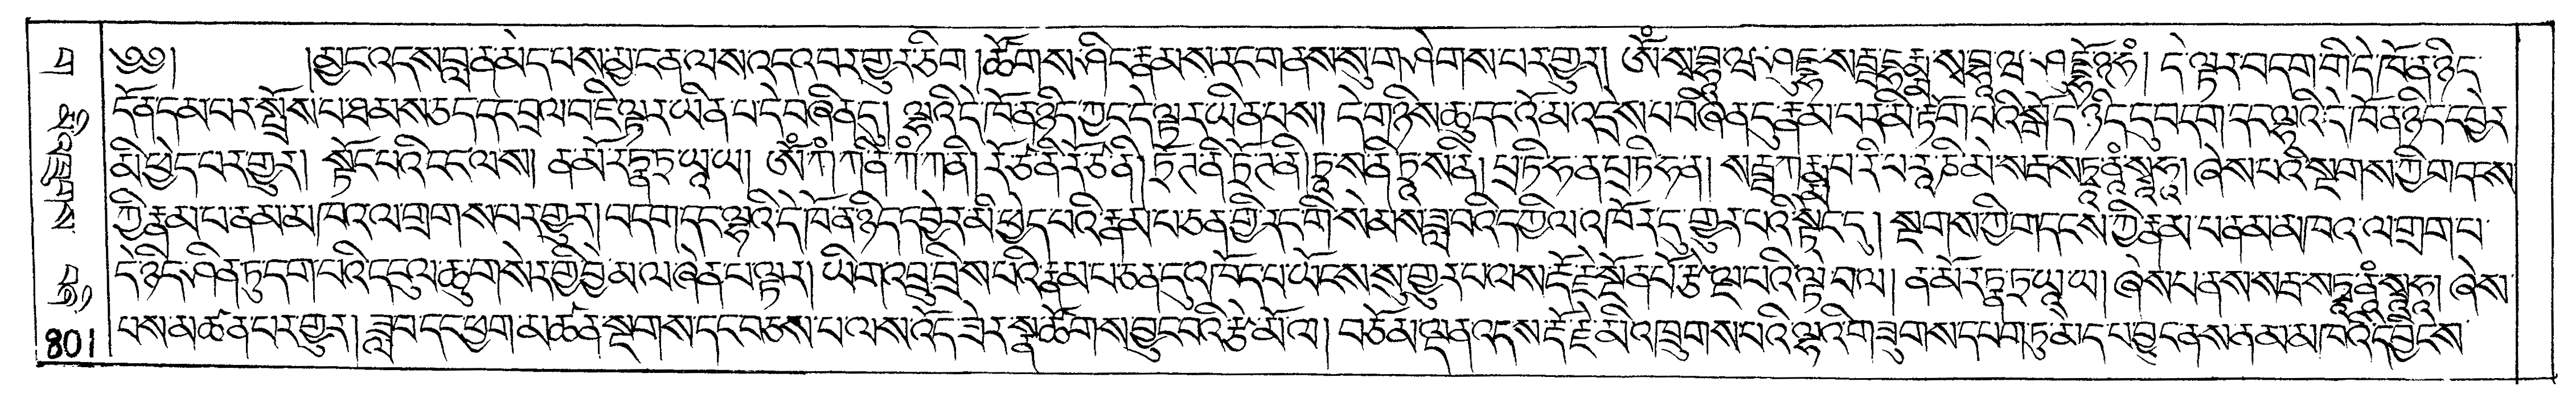༄༅། །མྱང་འདས་བླ་ན་མེད་པས་མྱ་ངན་ལས་འདའ་བར་གྱུར་ཅིག །ཚོགས་ཤིང་རྣམས་རང་གནས་སུ་གཤེགས་པར་གྱུར། ཨོཾ་སྭ་བྷཱ་ཝ་ཤུདྡྷ་སརྦྦ་དྷརྨྨ་སྭ་བྷཱ་ཝ་ཤུདྡྷོ་ཉ་ཧཾ། དེ་ལྟར་བདག་གི་དེ་ཁོ་ན་ཉིད་
དོན་དམ་པར་སྤྲོས་པ་ཐམས་ཅད་དང་བྲལ་བ་ཇི་ལྟར་ཡིན་པ་དེ་བཞིན་དུ། ལྷའི་དེ་ཁོ་ན་ཉིད་ཀྱང་དེ་ལྟར་ཡིན་པས། དེ་གཉིས་ཆུ་དང་འོ་མ་འདྲེས་པ་བཞིན་དུ་རྣམ་པར་མི་རྟོག་པའི་སྒོ་དེ་ཉིད་དུ་བདག་དང་ལྷའི་དེ་ཁོ་ན་ཉིད་དབྱེར་
མི་ཕྱེད་པར་གྱུར། སྟོང་པའི་ངང་ལས། ན་མོ་རཏྣ་ཏྲ་ཡཱ་ཡ། ཨོཾ་ཀཾ་ཀ་ནི་ཀཾ་ཀ་ནི། རོ་ཙ་ནི་རོ་ཙ་ནི། ཏྲོ་ཊ་ནི་ཏྲོ་ཊ་ནི། ཏྲཱ་ས་ནི་ཏྲཱ་ས་ནི། པྲ་ཏི་ཧ་ན་པྲ་ཏི་ཧ་ན། སརྦྦ་ཀརྨྨ་པ་རི་པ་རཱ་ཎི་མེ་སརྦ་སཏྭཱ་ནཱཾ་སྭཱཧཱ། ཞེས་པའི་སྔགས་ཀྱི་གདངས་
ཀྱི་རྣམ་པ་ནམ་མཁའ་ལ་གྲགས་པར་གྱུར། བདག་དང་ལྷའི་དེ་ཁོ་ན་ཉིད་དབྱེར་མི་ཕྱེད་པའི་རྣམ་པ་ཅན་གྱི་རང་གི་སེམས་ཟླ་བའི་དཀྱིལ་འཁོར་དུ་གྱུར་པའི་སྟེང་དུ། སྔགས་ཀྱི་གདངས་ཀྱི་རྣམ་པ་ནམ་མཁའ་ལ་གྲག་པ་
དེ་ཉིད་ཤིན་ཏུ་དག་པའི་དངུལ་ཆུ་གསེར་གྱི་བྱེ་མ་ལ་ཞེན་པ་ལྟར། ཡིག་འབྲུ་བྲིས་པའི་རྣམ་པ་ཅན་དུ་འཁོད་པ་ཡོངས་སུ་གྱུར་པ་ལས་རྡོ་རྗེ་སྔོན་པོ་རྩེ་ལྔ་པའི་ལྟེ་བ་ལ། ན་མོ་རཏྣ་ཏྲ་ཡཱ་ཡ། ཞེས་པ་ནས་སརྦ་སཏྭཱ་ནཱཾ་སྭཱཧཱ། ཞེས་
པས་མཚན་པར་གྱུར། ཟླ་བ་དང་ཕྱག་མཚན་སྔགས་དང་བཅས་པ་ལས་འོད་ཟེར་སྣ་ཚོགས་བྱུང་བའི་རྩེ་མོ་ལ། བཅོམ་ལྡན་འདས་རྡོ་རྗེ་མི་འཁྲུགས་པའི་ལྷའི་གཟུགས་དཔག་ཏུ་མེད་པ་བྱུང་ནས་ནམ་མཁའི་དབྱིངས་